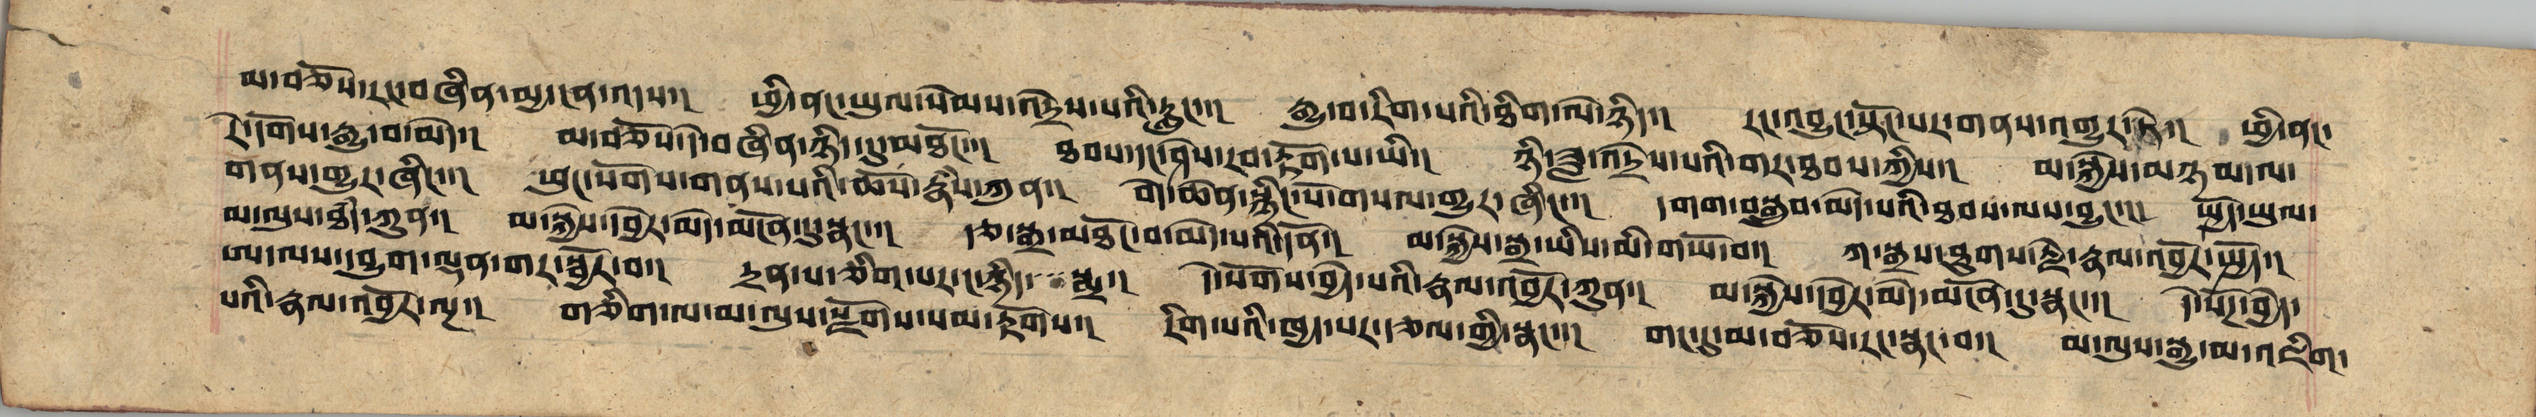མ་བཅོས་རང་བཞིན་མྱ་ངན་འདས་། ཕྱི་ནང་ཡུལ་སེམས་འདྲེས་པའི་རླུང་་། རྒྱུ་བ་རིག་པའི་ཐིག་ལེ་ཉིད་། རང་འབྱུང་སྟོང་པར་གནས་འགྱུར་ཏེ་། ཕྱི་ནང་
རེ་དོགས་རྒྱུ་བ་མེད་། མ་བཅོས་དེ་བཞིན་ཉིད་དུ་མཐོང་་། ཐབས་དང་ཤེས་རབ་རྟོག་པ་ཡི་། ཉི་ཟླ་འདྲེས་པའི་གར་ཐབས་ཀྱིས་། མ་སྐྱེས་མཉམ་ལ་
གནས་གྱུར་ཞིང་་། ཕུང་སོགས་གནས་པའི་ཆོས་རྣཾས་ཀུན་། བདེ་ཆེན་སྙིང་པོ་གསལ་གྱུར་ཞིང་་། དགག་བསྒྲུབ་མེད་པའི་ཐབས་ལས་བྱུང་་། སྤྱོད་ཡུལ་
མ་ལུས་ཐཾད་ཀུན་། མ་སྐྱེས་དབྱེར་མེད་མངོན་དུ་སྣང་་། རྩ་སྒྲ་མཐོང་བ་མེད་པའི་དོན་། མ་སྐྱེས་སྒྲ་ཡིས་མི་གཡོ་བ་། ཀ་སྒྲས་ཐུགས་རྗེ་རྣལ་འབྱོར་སྤྱོད་།
ཨ་ལས་དབྱུག་ལྡན་གར་སྦྱོར་བ་། དྲན་པ་ཅིག་པར་ང་ཉིད་་་སྨྲ་། དེ་སོགས་བྱེད་པའི་རྣལ་འབྱོར་ཀུན་། མ་སྐྱེས་དབྱེར་མེད་མངོན་དུ་སྣང་་། དེ་སོཌ་བྱེད་
པའི་རྣལ་འབྱོར་ལྔ་། གཅིག་ལ་མ་ལུས་སྫོགས་སམ་རྟོགས་། རིག་པའི་ཁྱད་པར་རྩལ་གྱི་སྣང་་། གང་དུ་མ་བཅོས་རང་སྣང་བ་། མ་ལུས་སྒྱུ་མ་འཇིག་